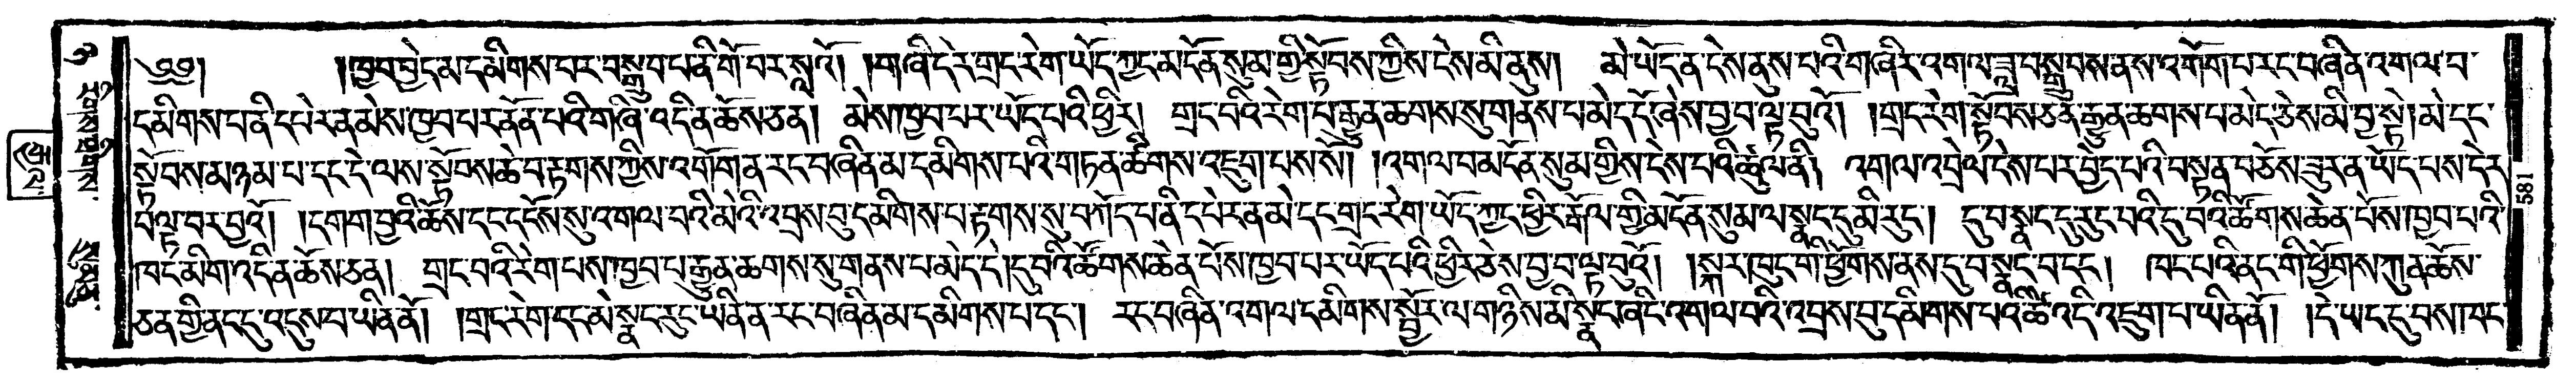༄༅། །ཁྱབ་བྱེད་མ་དམིགས་པར་བསྒྲུབ་པ་ནི་གོ་བར་སླའོ། །གཞི་དེར་གྲང་རེག་ཡོད་ཀྱང་མངོན་སུམ་གྱི་སྟོབས་ཀྱིས་ངེས་མི་ནུས། མེ་ཡོད་ན་ངེས་ནུས་པའི་གཞིར་འགལ་ཟླ་བསྒྲུབས་ནས་འགོག་པ་རང་བཞིན་འགལ་བ་
དམིགས་པ་ནི་དཔེར་ན་མེས་ཁྱབ་པར་ནོན་པའི་གཞི་འདི་ན་ཆོས་ཅན། མེས་ཁྱབ་པར་ཡོད་པའི་ཕྱིར། གྲང་བའི་རེག་པ་རྒྱུན་ཆགས་སུ་གནས་པ་མེད་དོ་ཞེས་བྱ་བ་ལྟ་བུའོ། །གྲང་རེག་སྟོབས་ཅན་རྒྱུན་ཆགས་པ་མེད་ཅེས་མི་བྱ་སྟེ། མེ་དང་
སྟོབས་མཉམ་པ་དང་དེ་ལས་སྟོབས་ཆེ་བ་རྟགས་ཀྱིས་འགོག་ན་རང་བཞིན་མ་དམིགས་པའི་གཏན་ཚིགས་འཇུག་པས་སོ། །འགལ་བ་མངོན་སུམ་གྱིས་ངེས་པའི་ཚུལ་ནི། འགལ་འབྲེལ་དེས་པར་བྱེ་དེ་པའི་བསྟན་བཅོས་ཟུར་ན་ཡོད་པས་དེར་
བལྟ་བར་བྱའོ། །དགག་བྱའི་ཆོས་དང་དངོས་སུ་འགལ་བའི་མེའི་འབྲས་བུ་དམིགས་པ་རྟགས་སུ་བཀོད་པ་ནི་དཔེར་ན་མེ་དང་གྲང་རེག་ཡོད་ཀྱང་ཕྱིར་རྒོལ་གྱི་མངོན་སུམ་ལ་སྣང་དུ་མི་རུང་། དུ་བ་སྣང་དུ་རུང་པའི་དུ་བའི་ཚོགས་ཆེན་པོས་ཁྱབ་པའི་
ཁང་མིག་འདི་ན་ཆོས་ཅན། གྲང་བའི་རེག་པས་ཁྱབ་པ་རྒྱུན་ཆགས་སུ་གནས་པ་མེད་དེ། དུ་བའི་ཚོགས་ཆེན་པོས་ཁྱབ་པར་ཡོད་པའི་ཕྱིར་ཅེས་བྱ་བ་ལྟ་བུའོ། །སྐར་ཁུང་གི་ཕྱོགས་ནས་དུ་བ་སྣང་བ་དང་། ཁང་པའི་ནང་གི་ཕྱོགས་ཀུན་ཆོས་
ཅན་གྱི་ནང་དུ་འདུས་པ་ཡིན་ནོ། །གྲང་རེག་དང་མེ་སྣང་རུང་ཡིན་ན་རང་བཞིན་མ་དམིགས་པ་དང་། རང་བཞིན་འགལ་དམིགས་སྦྱོར་ལ་གཉིས་མི་སྣང་ཞིང་འགལ་བའི་འབྲས་བུ་དམིགས་པའི་ཚེ་འདི་འཇུག་པ་ཡིན་ནོ། །དེ་ཡང་དུ་བས་ཁང་